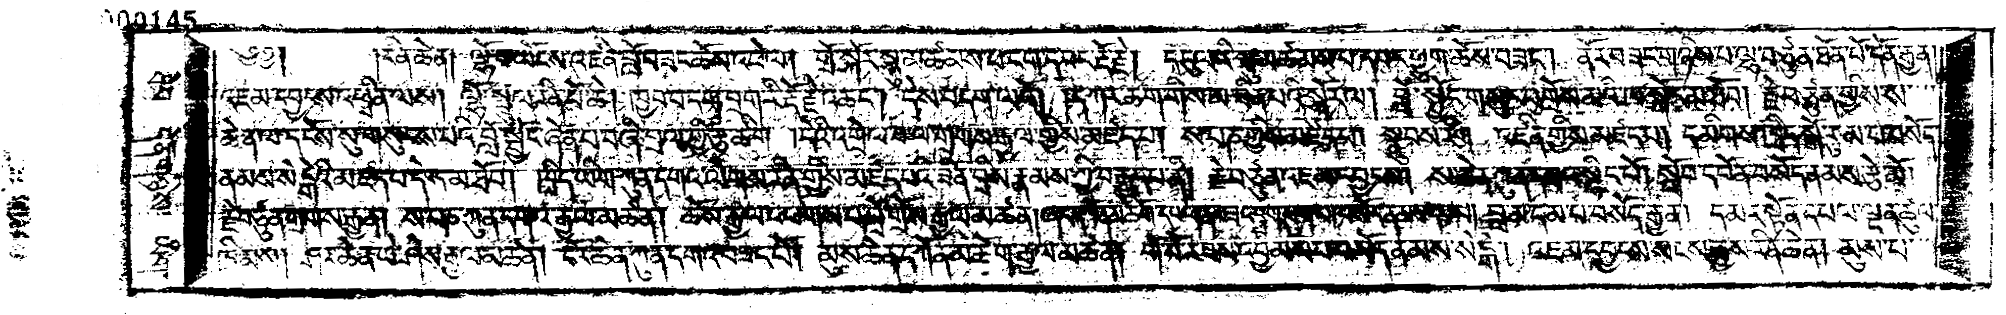༄༅། །རིན་ཆེན། ལྷོ་བ་ཡོངས་འཛིན་བློ་བཟང་ཆོས་འཕེལ། གྲོ་སྐོར་སྐུ་མཚམས་པ་ངག་དབང་རྡོ་རྗེ། དངུལ་རི་སྐུ་མཚམས་པ་དབང་ཕྱུག་ཆོས་བཟང་། ནོར་བཟང་གཉིས་པ་ལྷ་བཙུན་ཐོན་པོ་དོན་རྒྱན།
འཇམ་དབྱངས་འཕྲིན་ལས། ལྷོ་སྤྲུལ་རིན་པོ་ཆེ། ཁྱབ་བདག་བྲག་རི་རྡོ་རྗེ་འཆང་། དེས་བདག་ལའོ། །དཀར་ཆག་གིས་མ་ཟིན་པའི་སྐོར་ལ། བློ་སྦྱོང་གསུང་བགྲོས་མའི་ཁ་སྐོང་མ་ཐོབ། རྗེ་བཙུན་གྱིས་ས་
ཆེན་ལ་དངོས་སུ་གསུངས་པའི་བློ་སྦྱོང་ཞེན་པ་བཞི་བྲལ་གྱི་རྩ་ཚིག །དེའི་འགྲེལ་བ་ལ་གྲགས་རྒྱལ་གྱིས་མཛད་པ། ས་པཎ་གྱིས་མཛད་པ། སྣུབས་རིག་འཛིན་གྱིས་མཛད་པ། དམིགས་ཁྲིད་སྒོ་ནུ་མ་བ་བསོད་
ནམས་སེངྒེའི་མཛད་པ་དེའང་མ་ཐོབ། ཁྲིད་ཡིག་ཀུན་དགའ་ལེགས་རིན་གྱིས་མཛད་པའི་ཟིན་བྲིས་རྣམས་ཀྱི་བརྒྱུད་པ་ནི། རྗེ་བཙུན་འཇམ་དབྱངས། ས་ཆེན་ཀུན་དགའ་སྙིང་པོ། སློབ་དཔོན་བསོད་ནམས་རྩེ་མོ།
རྗེ་བཙུན་གྲགས་རྒྱན། ས་པཎ་ཀུན་དགའ་རྒྱལ་མཚན། ཆོས་རྒྱལ་འཕགས་པ་བློ་གྲོས་རྒྱལ་མཚན། ཞང་དཀོན་མཆོག་དཔལ། ན་བཟང་འབྲག་ཕུག་པ། བསོད་ནམས་དཔལ། བླ་མ་དམ་པ་བསོད་རྒྱན། དམར་སྟོན་དཔལ་ལྡན་ཚུལ་
ཁྲིམས། ཤར་ཆེན་ཡེ་ཤེས་རྒྱལ་མཚན། ངོར་ཆེན་ཀུན་དགའ་བཟང་པོ། མུས་ཆེན་དཀོན་མཆོག་རྒྱལ་མཚན། གོ་བོ་རབས་འབྱམས་པ་བསོད་ནམས་སེངྒེ། འཇམ་དབྱངས་སངས་རྒྱས་རིན་ཆེན། མུས་པ་